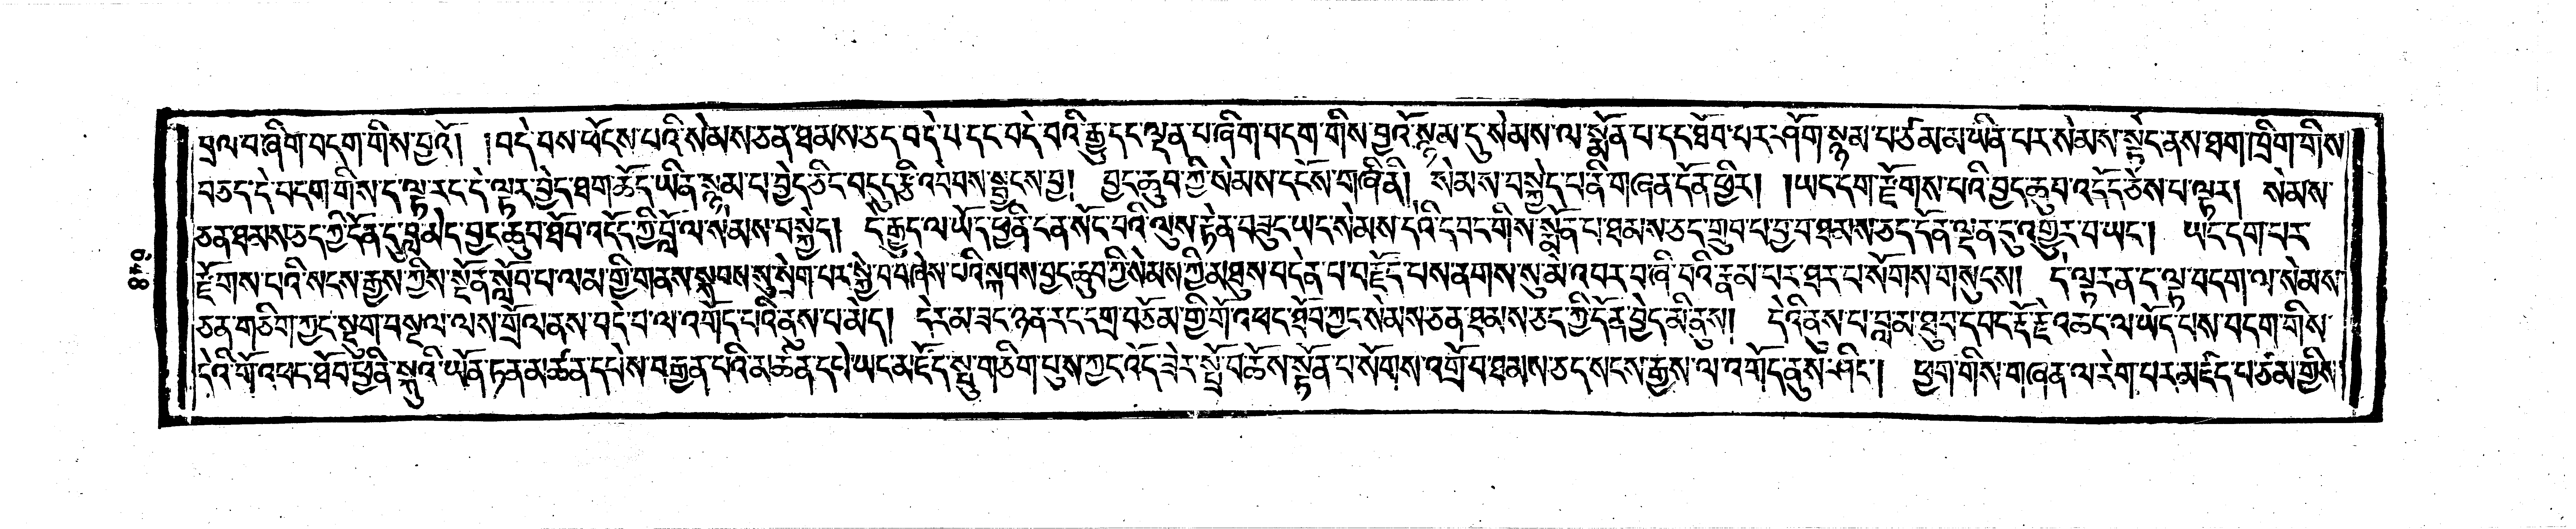བྲལ་བ་ཞིག་བདག་གིས་བྱའོ། །བདེ་བས་ཕོངས་པའི་སེམས་ཅན་ཐམས་ཅད་བདེ་པ་དང་བདེ་བའི་རྒྱུ་དང་ལྡན་པ་ཞིག་བདག་གིས་བྱའི་སྙམ་དུ་སེམས་ལ་སྨོན་པ་དང་ཐོབ་པར་ཤོག་སྙམ་པ་ཙམ་མ་མ་ཡིན་པར་སེམས་སྟེད་ནས་ཐག་ཁྲིག་གིས་
བཅད་དེ་བདག་གིས་དང་ལྟ་རང་དེ་ལྟར་བྱེད་ཐག་ཆོད་ཡིན་སྙམ་པ་བྱེད་ཅིང་བདུད་རྩི་འབེབས་སྦྱངས་བྱ། བྱང་ཆུབ་ཀྱི་སེམས་དངོས་གཞི་ནི། སེམས་བསྐྱེད་པ་ནི་གཞན་དོན་ཕྱིར། །ཡང་དག་རྫོགས་པའི་བྱང་ཆུབ་འདོད་ཅེས་པ་ལྟར། སེམས་
ཅན་ཐམས་ཅད་ཀྱི་དོན་དུ་བླ་མེད་བྱང་ཆུབ་ཐོབ་འདོད་ཀྱི་བློ་ལ་སེམས་བསྐྱེད། དེ་རྒྱུད་ལ་ཡོད་ཕྱིན་ངན་སོང་བའི་ལུས་རྟེན་བཟུང་ཡང་སེམས་དེའི་དབང་གིས་སྨོན་པ་ཐམས་ཅད་གྲུབ་པ་བྱ་བ་ཐམས་ཅད་དོན་ལྡན་དུ་འགྱུར་པ་ཡང་། ཡང་དག་པར་
རྫོགས་པའི་སངས་རྒྱས་ཀྱིས་སྔོན་སློབ་པ་ལམ་གྱི་གནས་སྐབས་སུ་སྲེག་པར་སྐྱེ་བ་བཞེས་པའི་སྐབས་བྱང་ཆུབ་ཀྱི་སེམས་ཀྱི་མཐུས་བདེན་པ་བརྗོད་པས་ནགས་སུ་མེ་འབར་བ་ཞི་བའི་རྣམ་པར་ཐར་པ་སོགས་གསུངས། དེ་ལྟར་ན་ད་ལྟ་བདག་ལ་སེམས་
ཅན་གཅིག་ཀྱང་སྡུག་བསྔལ་ལས་གྲོལ་ནས་བདེ་བ་ལ་འགོད་པའི་ནུས་པ་མེད། དེར་མ་ཟང་ཉན་རང་དགྲ་བཅོམ་གྱི་གོ་འཕང་ཐོབ་ཀྱང་སེམས་ཅན་ཐམས་ཅད་ཀྱི་དོན་བྱེད་མི་ནུས། དེའི་ནུས་པ་བླ་མ་ཐུབ་དབང་རྡོ་རྗེ་འཆང་ལ་ཡོད་པས་བདག་གིས་
དེའི་གོ་འཕང་ཐོབ་ཕྱིན་སྐུའི་ཡོན་ཏན་མཚན་དཔེས་བརྒྱན་པའི་མཚན་དཔེ་ཡང་མཛོད་སྤུ་གཅིག་པུས་ཀྱང་འོད་ཟེར་སྤྲོ་བ་ཆོས་སྟོན་པ་སོགས་འགྲོ་བ་ཐམས་ཅད་སངས་རྒྱས་ལ་འགོད་ནུས་ཤིང་། ཕྱག་གིས་གཞན་ལ་རེག་པར་མཛད་པ་ཙམ་གྱིས་